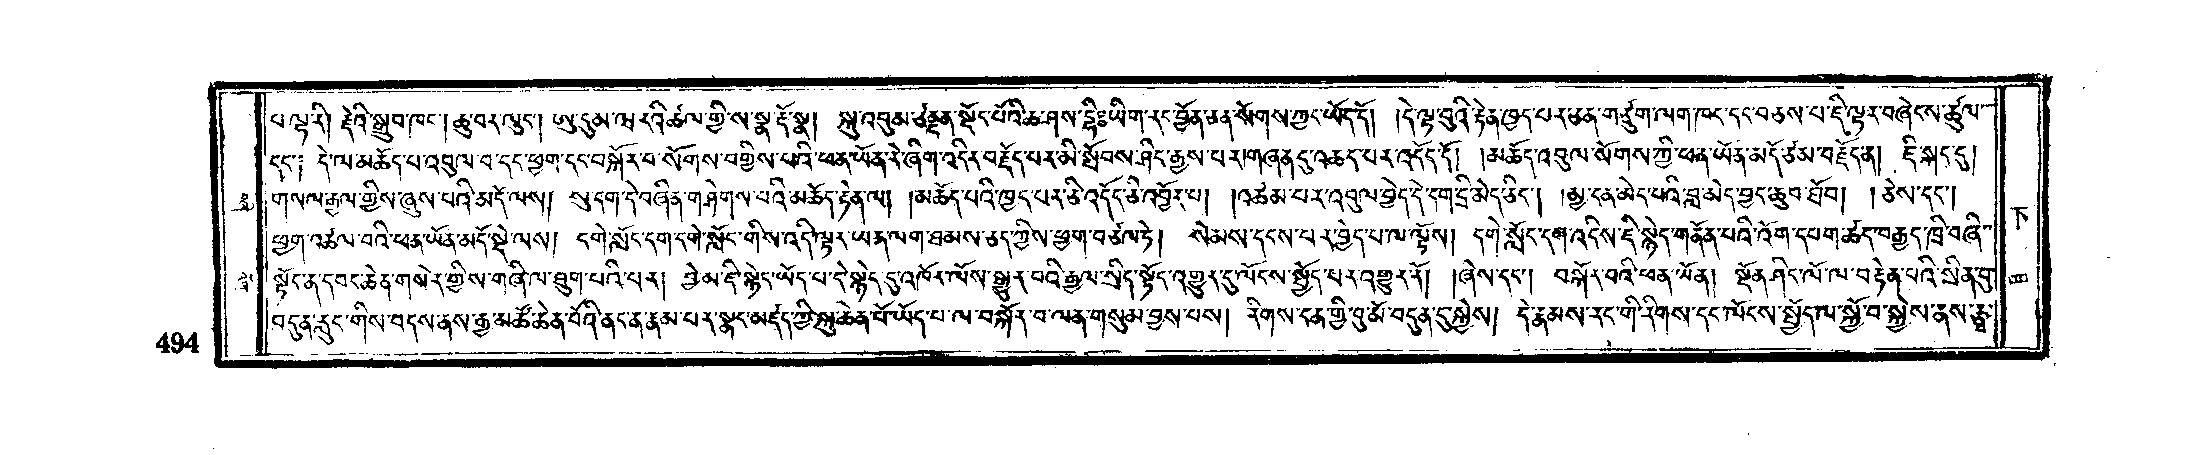པ་ལྷ་རི། རྗེའི་སྒྲུབ་ཁང་། ཆུ་བར་ལུང་། ཨུ་དུམ་ཝ་རའི་ཚལ་གྱི་ས་སྣ་རྡོ་སྣ། སྐུ་འབུམ་ཙནྡན་སྡོང་པོའི་ཆ་ཤས་དྷིཿཡིག་རང་བྱོན་ཅན་སོགས་ཀྱང་ཡོད་དོ། །དེ་ལྟ་བུའི་རྟེན་ཁྱད་པར་ཅན་གཙུག་ལག་ཁང་དང་བཅས་པ་ཇི་ལྟར་བཞེངས་ཚུལ་
དང༑ དེ་ལ་མཆོད་པ་འབུལ་བ་དང་ཕྱག་དང་བསྐོར་བ་སོགས་བགྱིས་པའི་ཕན་ཡོན་རེ་ཞིག་འདིར་བརྗོད་པར་མི་སྤོབས་ཤིང་རྒྱས་པར་གཞན་དུ་འཆད་པར་འདོད་དོ། །མཆོད་འབུལ་སོགས་ཀྱི་ཕན་ཡོན་མདོ་ཙམ་བརྗོད་ན། ཇི་སྐད་དུ།
གསལ་རྒྱལ་གྱིས་ཞུས་པའི་མདོ་ལས། སུ་དག་དེ་བཞིན་གཤེགས་པའི་མཆོད་རྟེན་ལ། །མཆོད་པའི་ཁྱད་པར་ཅི་འདོད་ཅི་འབྱོར་པ། །འཚམ་པར་འབུལ་བྱེད་དེ་དག་དྲི་མེད་ཅིང་། །མྱ་ངན་མེད་པའི་བླ་མེད་བྱང་ཆུབ་ཐོབ། །ཅེས་དང་།
ཕྱག་འཚལ་བའི་ཕན་ཡོན་མདོ་སྡེ་ལས། དགེ་སློང་དག་དགེ་སློང་གིས་འདི་ལྟར་ཡན་ལག་ཐམས་ཅད་ཀྱིས་ཕྱག་བཙལ་ཏེ། སེམས་དངས་པར་བྱེད་པ་ལ་ལྟོས། དགེ་སློང་དག་འདིས་ཇི་སྙེད་གནོན་པའི་འོག་དཔག་ཚད་བརྒྱད་ཁྲི་བཞི་སྟོང་ན་དབང་ཆེན་གསེར་གྱིས་གཞི་ལ་ཐུག་པའི་པར། བྱེ་མ་ཇི་སྙེད་ཡོད་པ་དེ་སྙེད་དུ་འཁོར་ལོས་སྒྱུར་བའི་རྒྱལ་སྲིད་སྟོང་འགྱུར་དུ་ལོངས་སྤྱོད་པར་འགྱུར་རོ། །ཞེས་དང་། བསྐོར་བའི་ཕན་ཡོན། སྔོན་ཤིང་ལོ་ལ་བརྟེན་པའི་སྲིན་བུ་
བདུན་རླུང་གིས་བདས་ནས་རྒྱ་མཚོ་ཆེན་པོའི་ནང་ན་རྣམ་པར་སྣང་མཛད་ཀྱི་སྐུ་ཆེན་པོ་ཡོད་པ་ལ་བསྐོར་བ་ལན་གསུམ་བྱས་པས། རིགས་ངན་གྱི་བུ་མོ་བདུན་དུ་སྐྱེས། དེ་རྣམས་རང་གི་རིགས་དང་ལོངས་སྤྱོད་ལ་སྐྱོ་བ་སྐྱེས་ནས་རྩྭ་